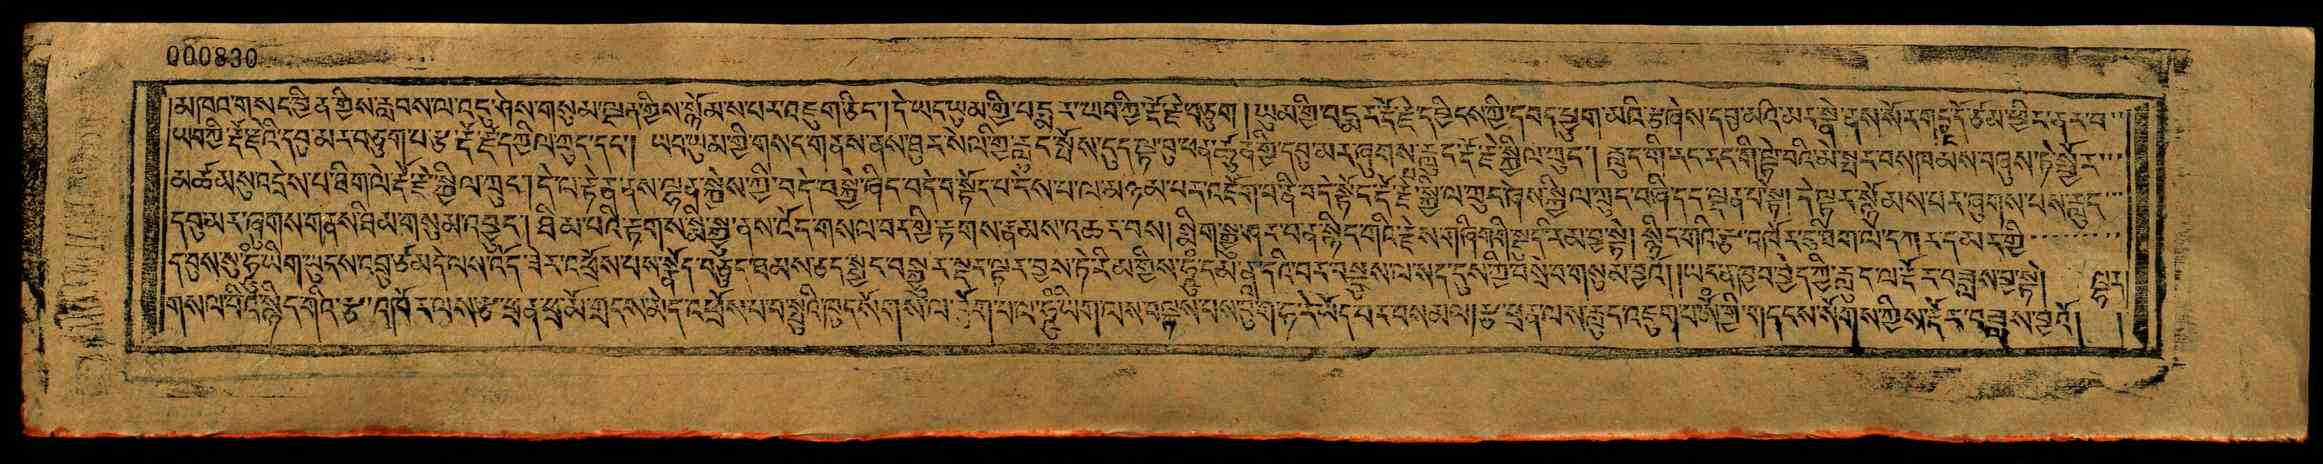མཁའ་གསང་བྱིན་གྱིས་རླབས་ལ་འདུ་ཤེས་གསུམ་ལྡན་གྱིས་སྙོམས་པར་འཇུག་ཅིང་། དེ་ཡང་ཡུམ་གྱི་པདམར་ཡབ་ཀྱི་རྡོ་རྗེ་བཅུག །ཡུམ་གྱི་པདམར་རྡོ་རྗེ་དབྱིངས་ཀྱི་དབང་ཕྱུག་མའི་རྩ་ཞེས་དབུ་མའི་མར་སྣེ་ནས་སོར་གང་ངམ་དོ་ཙམ་ཕྱིར་ནར་བ་
ཡབ་ཀྱི་རྡོ་རྗེའི་དབུ་མར་བཅུག་པ་རྩ་རྡོ་རྗེ་སྐྱིལ་ཀྲུང་དང་། ཡབ་ཡུམ་གྱི་གསང་གནས་ནས་ཐུར་སེལ་གྱི་རླུང་སྤོས་དུད་ལྟ་བུ་ཕན་ཚུན་གྱི་དབུ་མར་ཞུགས་པ་རླུང་རྡོ་རྗེ་སྐྱིལ་ཀྲུང་། རླུང་གིས་རང་རང་གི་ལྟེ་བའི་མེ་སྦར་བས་ཁམས་བཞུས་ཏེ་སྦྱོར་
མཚམས་སུ་འདྲེས་པ་ཐིག་ལེ་རྡོ་རྗེ་སྐྱིལ་ཀྲུང་། དེ་ལ་བརྟེན་ནས་ལྷན་སྐྱེས་ཀྱི་བདེ་བ་སྐྱེ་ཞིང་བདེ་བས་སྟོང་པ་ངེས་པ་ལ་མཉམ་པར་འཇོག་པ་ནི་བདེ་སྟོང་རྡོ་རྗེ་སྐྱིལ་ཀྲུང་ཞེས་སྐྱིལ་ཀྲུང་བཞི་དང་ལྡན་པ་སྟེ། དེ་ལྟར་སྙོམས་པར་ཞུགས་པས་རླུང་
དབུ་མར་ཞུགས་གནས་ཐིམ་གསུམ་འབྱུང་། ཐིམ་པའི་རྟགས་སྨིག་སྒྱུ་ནས་འོད་གསལ་བར་གྱི་རྟགས་རྣམས་འཆར་བས། སྨིག་སྒྱུ་ཤར་བ་ན་སྙིང་གའི་རྗེས་གཞིག་གི་སྡུད་རིམ་བྱ་སྟེ། སྙིང་གའི་རྩ་འཁོར་དུ་ཐིག་ལེ་དཀར་དམར་གྱི་
དབུས་སུ་ཧཱུཾ་ཡིག་ཡུངས་འབྲུ་ཙམ་དེ་ལས་འོད་ཟེར་འཕྲོས་པས་སྣོད་བཅུད་ཐམས་ཅད་སྦྱང་བསྒྱུར་སྔར་ལྟར་བྱས་ཏེ་རིམ་གྱིས་ཧཱུཾ་ངམ་ནཱ་དེའི་བར་བསྡུས་ལ་སད་དུས་ཀྱི་བསྲེ་བ་གསུམ་བྱའོ། །ཡང་ན་ཁྱབ་བྱེད་ཀྱི་རླུང་ལ་རྡོར་བཟླས་བྱ་སྟེ། ལྷར་
གསལ་བའི་སྙིང་གའི་རྩ་འཁོར་ལས་རྩ་ཕྲན་ཕྲ་མོ་གྲངས་མེད་འཕྲོས་པ་བ་སྤུའི་ཁུང་སོགས་ལ་ཟུགས་ལ་ཧཱུཾ་ཡིག་ལས་བལྟས་པས་བུ་ག་ཧ་རེ་ཡོད་པར་བསམ་ལ། རྩ་ཕྲན་ལས་རླུང་འཇུག་པ་ཨོཾ་གྱི་གདང་ས་སོགས་ཀྱིས་རྡོར་བཟླས་བྱའོ།